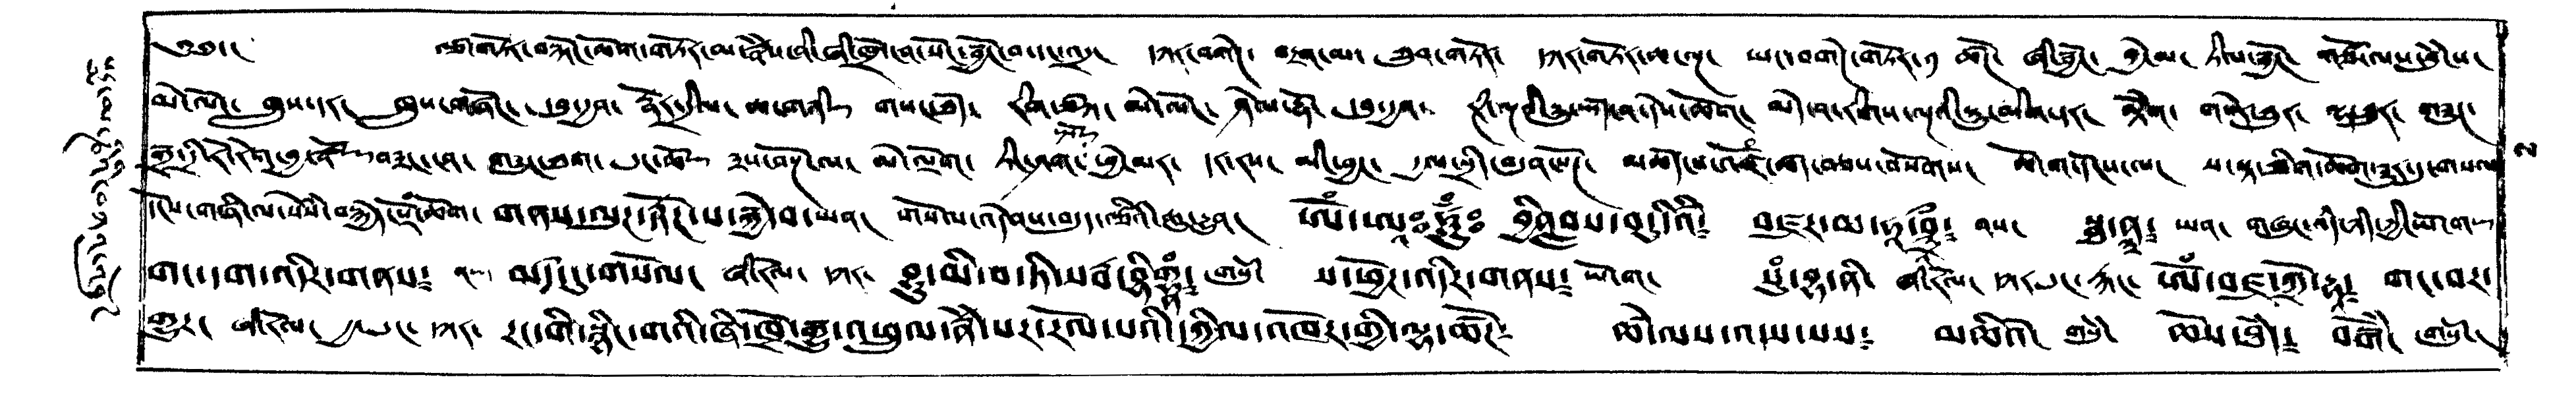༄༅། །རྩ་གཏོར་བསྐོང་ཆོག་གཏོར་མ་རྣམས་ནི་ཞི་ཁྲོ་ངན་སོང་སྦྱོང་བ་དང་འདྲ། དཀར་བགེགས། བརྟན་མ། ཐུན་གཏོར། དཀརགཏོར་ཆ་ལྔ། ཡང་བགེགས་གཏོར་གཅིག ཚོགས། ཞི་སྦྱོང་། བྱེ་མ། ཏིལ་སྦྱོང་། གཙོ་ལས་བུམ་པ། 
མེ་ལོང་། ཁྲུས་དར། ཁྲུས་གཞོང་། དབུ་རྒྱན། རྡོར་དྲིལ་ཆ་གཉིས། གསང་ཐོད། རིག་ཙཀ མེ་ལོང་། ཤེལ་རྡོ། དབུ་རྒྱན། རིགས་ལྔའི་སྐུ་ཡོད་ན་དེས་ཆོག མེད་ན་རིགས་ལྔའི་སྐུུ་མིག་དར། མེ་ཏོག གསེར་ཐུར། ལྷ་ཐུར། གཟུགས་
སྒྲ་དྲི་རོ་རེག་བྱ་རྣམས་བཟང་ངན། གཟུང་ཐག དུང་ཆོས། ཟས་བསྔོ་ལ། མེ་ལྡོག། ཏིང་ཤག སྤོས། ཕྱེ་མར། དར་རས། མིང་བྱང་། རྒྱལ་སྲིད་བདུན་སོགས། མཆོད་པ་འཛོམ་ཚད་བཅས་བསོག ཆོ་ག་དངོས་ལ་ས་སྟ་ཐིག་ཆོག་ཟུར་དུ་གསལ་
དངོས་གཞི་ལ་སེམས་བསྐྱེད་སྡོམ་ཆོག གནས་ལུགས་རྟོགས་པ་སྐྱེ་བ་ཡན་གསོལ་འདེབས་བདུད་རྩིའི་ཆུ་རྒྱུན། ཨོཾ་ཨཱཿཧཱུྃཿ བྱིན་བརླབས་བདུད་རྩིའི༴ བཛྲར་མ་ཧཱ་ཤྲཱི༴ ནས། སྠ་ན༴ ཡན། གཞུང་འདི་ཉིད་ཀྱི་ཡོ་གས། 
གང་དག་འདིར་གནས༴ ནས། མཛད་དུ་གསོལ། ཞི་རོལ། དཀར། བྷུ་མི་པ་ཏི་སརྦ་བྷིགྷྣཾ༴ གསུམ། ས་ཕྱོགས་འདིར་གནས༴ ཡོ་ག སུཾ་བྷ་ནི། ཞི་རོལ། དཀར། དུང་། རྐང་། ཨོཾ་བཛྲ་ཀྲོ་དྷཱ༴ གང་བར་
གྱུར། ཞི་རོལ། རྒྱ། དུང་། དཀར། རང་གི་སྙིང་གའི་ཞི་ཁྲོ་སྒྱུ་འཕྲུལ་རྣམ་པར་རོལ་པའི་དཀྱིལ་འཁོར་གྱི་ལྷ་ཚོགས༴ ཚེ་ལས་འདས་པས༴ མཆིའོ། གསུམ། ཆོས་ཐམས་ཅད༴ སྒོམས། གསུམ།